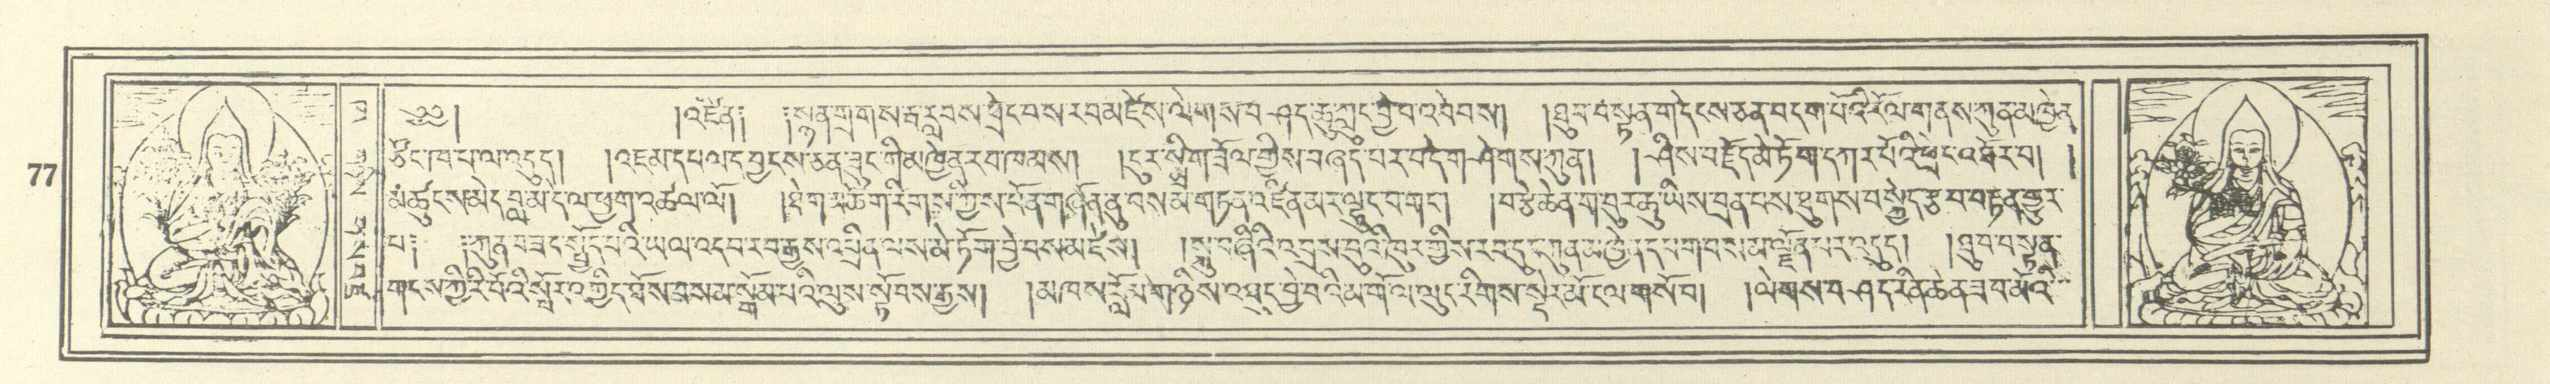༄༅། །འཛིན༑ ༑སྙན་གྲགས་རྦ་རླབས་ཕྲེང་བས་རབ་མཛེས་ལེགས་བཤད་ཆུ་ཀླུང་བྱེ་བ་འབེབས། །ཐུབ་བསྟན་གདེངས་ཅན་བདག་པོའི་རོལ་གནས་ཀུན་མཁྱེན་
ཙོང་ཁ་པ་ལ་འདུད། །འཇམ་དཔལ་དབྱངས་ཅན་ཟུང་གི་མཁྱེན་རབ་ཁམས། །དུར་སྨྲིག་ཟོལ་གྱིས་བཞད་པར་བདེ་གཤེགས་ཀུན། །ཤིས་བརྗོད་མེ་ཏོག་དཀར་པོའི་ཕྲེང་འཐོར་བ། །
མཚུངས་མེད་བླ་མེད་ལ་ཕྱག་འཚལ་ལོ། །ཐེག་མཆོག་རིགས་ཀྱི་ས་པོན་གཞོན་ནུ་བསམ་གཏན་འཛིན་མར་ལྷུང་བ་གང་། །བརྩེ་ཆེན་ག་བུར་ཆུ་ཡིས་བྲན་པས་ཐུགས་བསྐྱེད་རྩ་བ་བརྟན་གྱུར་
བ༑ ༑ཀུན་བཟང་སྤྱོད་པའི་ཡལ་འདབ་རབ་རྒྱས་འཕྲིན་ལས་མེ་ཏོག་བྱེ་བས་མཛེས། །སྐུ་བཞིའི་འབྲས་བུའི་ཁུར་གྱིས་རབ་དུད་ཀུན་མཁྱེན་དཔག་བསམ་ལྗོན་པར་འདུད། །ཐུབ་བསྟན་
གང་ས་ཀྱི་རི་བོའི་སྤོར་འགྱིད་ཐོས་བསམ་སྒོམ་པའི་ལུས་སྟོབས་རྒྱས། །མཁས་རློམ་གཉིས་འཐུང་བྱེ་བའི་མགོ་ལ་ལུང་རིགས་སྔེར་མོ་ངལ་གསོ་བ། །ལེགས་བཤད་རིན་ཆེན་ཟབ་མོའི་